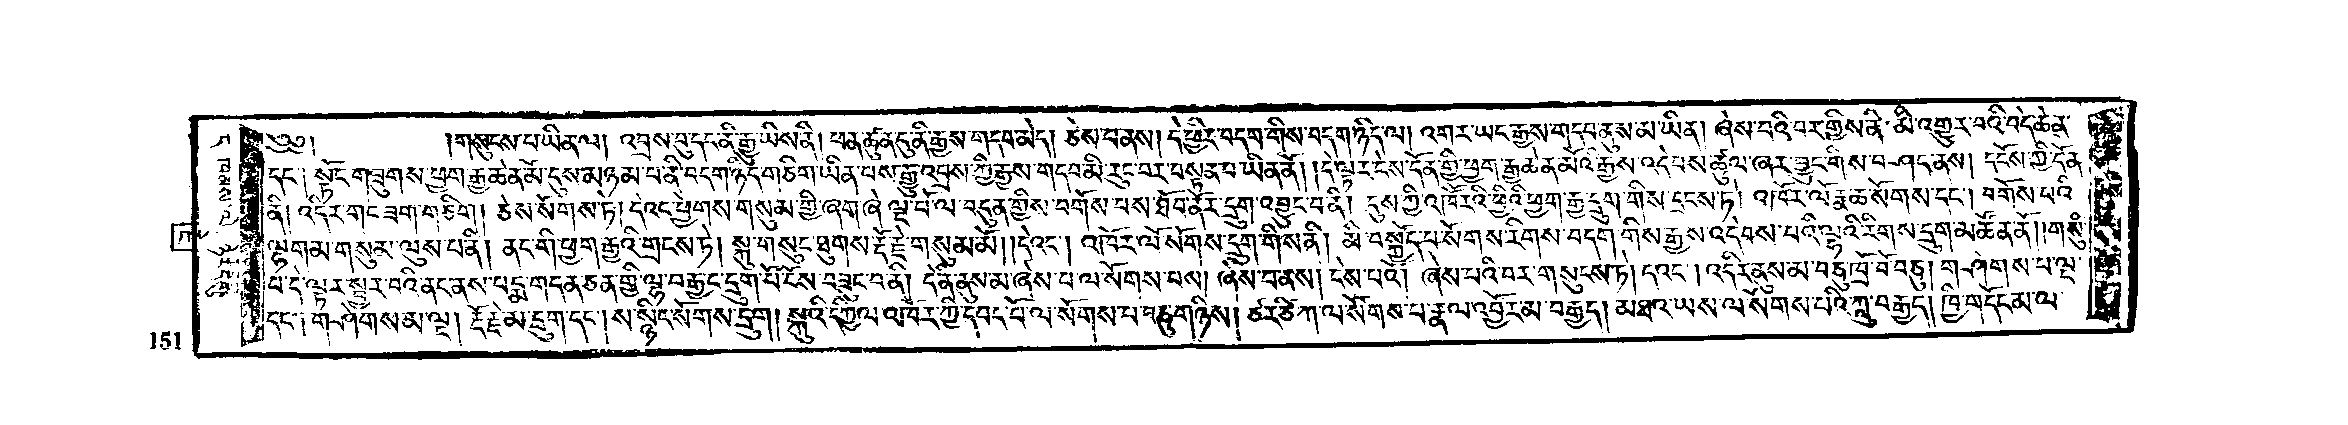༄༅། །གསུངས་པ་ཡིན་ལ། འབྲས་བུ་དང་ནི་རྒྱུ་ཡིས་ནི། ཕན་ཚུན་དུ་ནི་རྒྱས་གདབ་མེད། ཅེས་པ་ནས། དེ་ཕྱིར་བདག་གིས་བདག་ཉིད་ལ། འགར་ཡང་རྒྱས་གདབ་ནུས་མ་ཡིན། ཞེས་པའི་བར་གྱིས་ནི་མི་འགྱུར་བའི་བདེ་ཆེན་
དང་། སྟོང་གཟུགས་ཕྱག་རྒྱ་ཆེན་མོ་དུས་མཉམ་པ་ནི་བདག་ཉིད་གཅིག་ཡིན་པས་རྒྱུ་འབྲས་ཀྱི་རྒྱས་གདབ་མི་རུང་བར་བསྟན་པ་ཡིན་ནོ། །དེ་ལྟར་ངེས་དོན་གྱི་ཕྱག་རྒྱ་ཆེན་མོའི་རྒྱས་འདེབས་ཚུལ་ཞར་བྱུང་གིས་བཤད་ནས། དངོས་ཀྱི་དོན་
ནི། འདིར་གང་ཟག་གཅིག །ཅེས་སོགས་ཏེ། དེའང་ཕྱོགས་གསུམ་གྱི་ཞག་ཞེ་ལྔ་པོ་ལ་བདུན་གྱིས་བགོས་པས་ཐོབ་ནོར་དྲུག་འབྱུང་བ་ནི། དུས་ཀྱི་འཁོར་ལོའི་ཕྱིའི་ཕྱག་རྒྱ་དྲུག་གིས་དྲངས་ཏེ། འཁོར་ལོ་རྣ་ཆ་སོགས་དང་། བགོས་པའི་
ལྷག་མ་གསུམ་ལུས་པ་ནི། ནང་གི་ཕྱག་རྒྱའི་གྲངས་ཏེ། སྐུ་གསུང་ཐུགས་རྡོ་རྗེ་གསུམ་མོ། །དེའང་། འཁོར་ལོ་སོགས་དྲུག་གིས་ནི། མི་བསྐྱོད་པ་སོགས་རིགས་བདག་གིས་རྒྱས་འདེབས་པའི་ལྷའི་རིགས་དྲུག་མཚོན་ནོ། །གསུམ་
པ་དེ་ལྟར་སྦྱར་བའི་ནང་ནས་པདམ་གདན་ཅན་གྱི་ལྷ་བརྒྱ་ང་དྲུག་པོ་ངོས་བཟུང་བ་ནི། དེ་ནི་ནུས་མ་ཞེས་པ་ལ་སོགས་པས། ཞེས་པ་ནས། ངེས་པའོ། ཞེས་པའི་བར་གསུངས་ཏེ། དེའང་། འདིར་ནུས་མ་བཅུ་ཁྲོ་བོ་བཅུ། གཤེགས་པ་ལྔ་
དང་། གཤེགས་མ་ལྔ། རྡོ་རྗེ་མ་དྲུག་དང་། ས་སྙིང་སོགས་དྲུག །སྐུའི་དཀྱིལ་འཁོར་ཀྱི་དབང་པོ་ལ་སོགས་པ་བཅུ་གཉིས། ཙར་ཙི་ཀ་ལ་སོགས་པ་རྣལ་འབྱོར་མ་བརྒྱད། མཐའ་ཡས་ལ་སོགས་པའི་ཀླུ་བརྒྱད། ཁྱི་གདོང་མ་ལ་